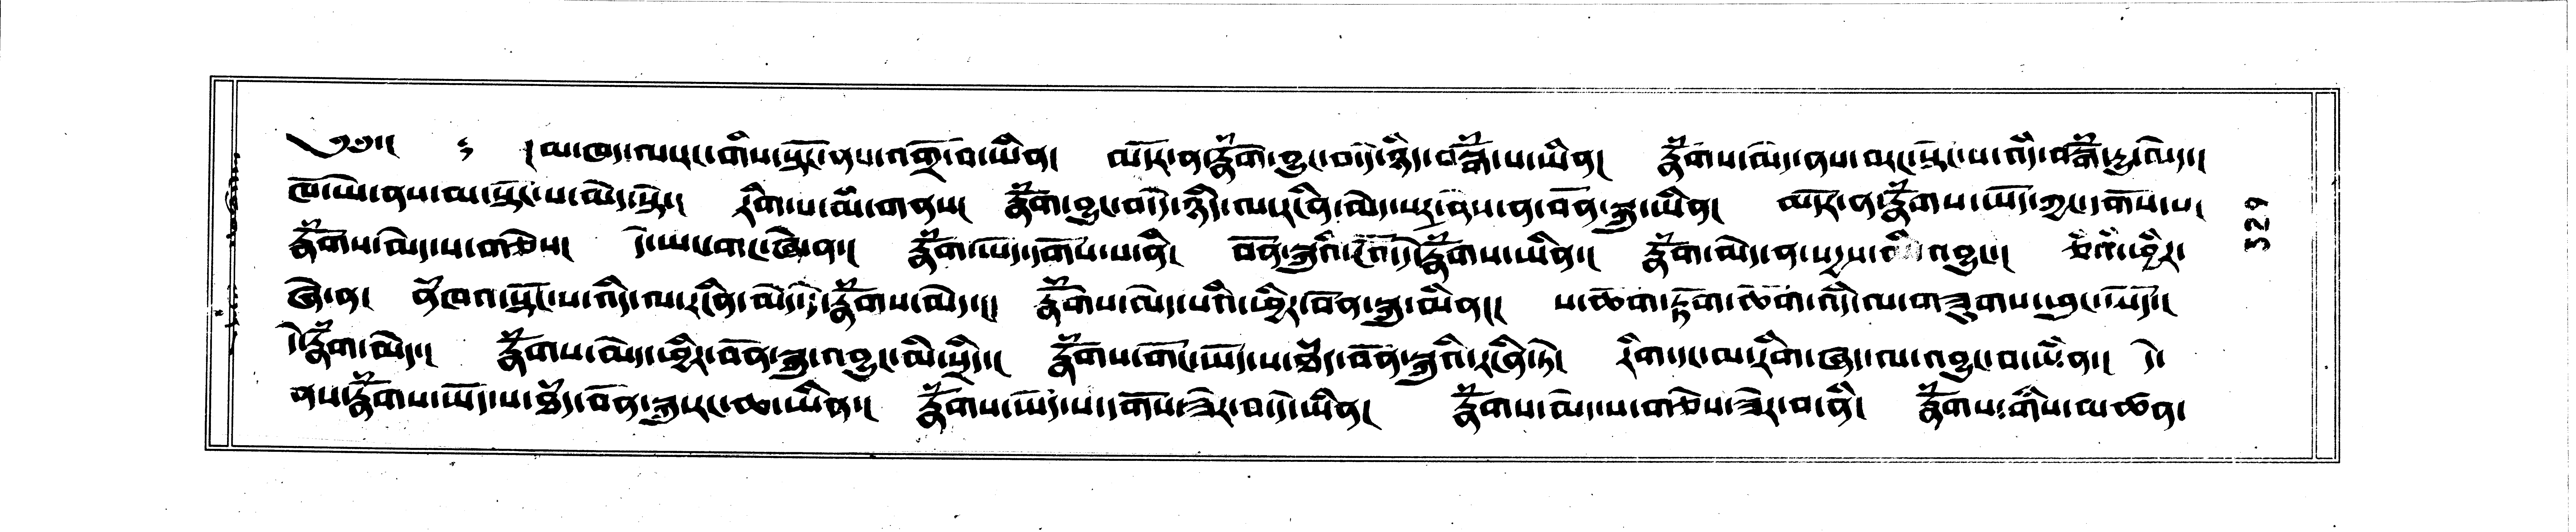མཁན་༼མ་ཁད་༽ལ་རང་བཞིན་མེད་སྟོང་ནས་འགྲོ་བའོ། མདོར་ན་རྣམ་རྟོག་བྱུང་བ་དེ་ཉིད་སྒོམ་ཡིན། རྣམ་རྟོག་མེད་ན་བར་སྣང་སྟོང་པ་འདི་ལ་སྒོམ་རྒྱུ་མེད། 
ཁོ་ཡེ་ནས་མ་སྟོང་པ་མིན་ཏེ། རིག་པའི་ཡེ་ཤེས་མི་གནས་རྣམ་རྟོག་བྱུང་བ་དེ་ཉིད་ལ་རང་བཞིན་མེད་པར་ཤེས་ན་བོན་སྐུ་ཡིན། མདོར་ན་རྣམ་རྟོག་ཡོད་ཀྱང་དགོས་ལ་
རྣམ་རྟོག་མེད་པ་གཅེས། དེ་གང་ཞེ་ན། རྣམ་རྟོག་ཡོད་དགོས་པ་ནི། བོན་སྐུའི་ངོའོ་དེ་རྣམ་རྟོག་ཡིན། རྣམ་རྟོག་མེད་ན་སངས་རྒྱས་མི་འབྱུང་། ཅིའི་ཕྱིར་
ན། ནམ་མཁའ་སྟོང་པ་འདི་ལ་རང་བཞིན་མེད་དེ། རྣམ་རྟོག་མེད། རྣམ་རྟོག་མེད་པའི་ཕྱིར་ན་བོན་སྐུ་མེན། ས་ཆོག་རྡོ་ཅོག་རྣམས་ལའང་གཟུགས་ཕུང་ཡོད་
སྟེ་བོན་སྐུ་མེད། རྣམ་རྟོག་མེད་ཕྱིར་བོན་སྐུ་འབྱུང་མི་བསྲིད། རྣམ་རྟོག་གང་ཡོད་པ་ཐམས་ཅད་ལ་བོན་སྐུའི་རང་བཞིན་ཡོད་སྟེ། རིག་མ་རིག་ལ་ཁྱད་བྱུང་པ་ཡིན། དེ་
ན་རྣམ་རྟོག་ཡོད་པ་ཐམས་ཅད་བོན་སྐུ་རང་ཆས་ཡིན། རྣམ་རྟོག་ཡོད་ཀྱང་དགོས་ཟེར་བ་ནི་དེ་ཡིན། རྣམ་རྟོག་མེད་པ་གཅེས་ཟེར་བ་ནི། རྣམ་རྟོག་གི་མཚན་